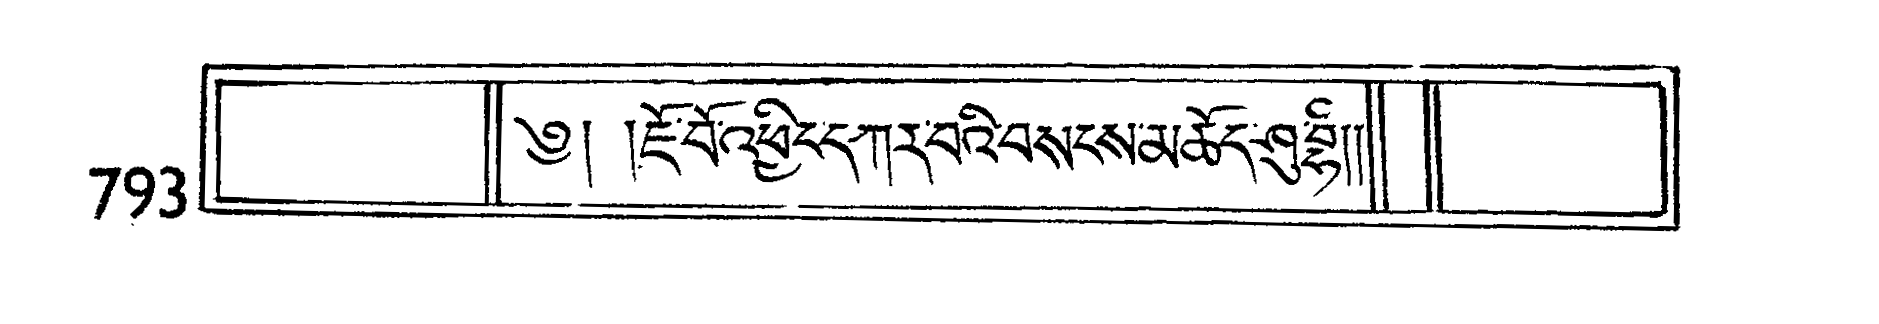༄༅། །ཇོ་བོ་འཕྱིང་དཀར་བའི་བསངས་མཆོད་ཤུ་བྷཾ།།